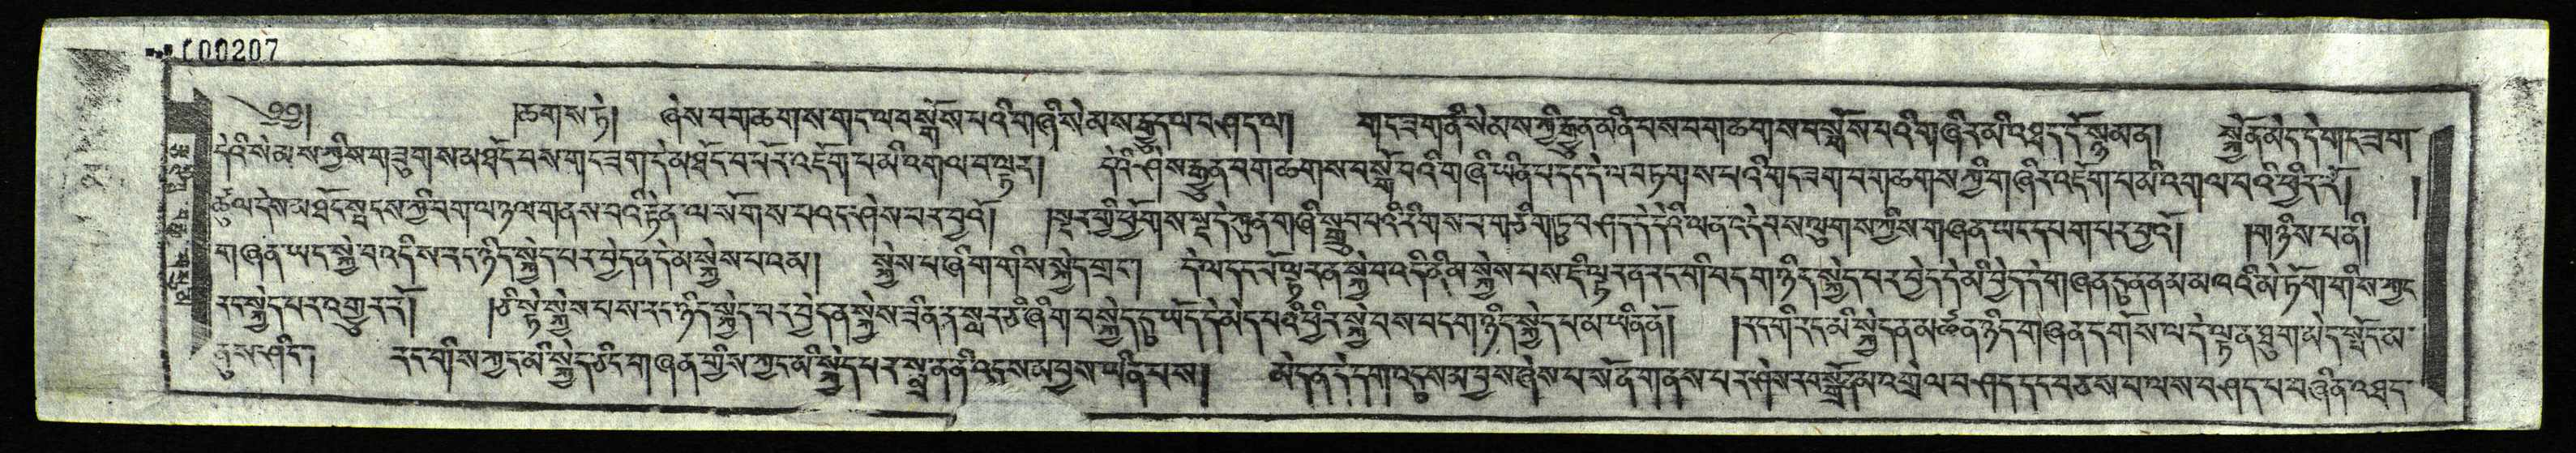༄༅། །ཆགས་ཏེ། ཞེས་བག་ཆགས་གང་ལ་བསྒོམ་པའི་གཞི་སེམས་རྒྱུད་ལ་བཤད་ལ། གང་ཟག་ནི་སེམས་ཀྱི་རྒྱུན་མིན་པས་བག་ཆགས་བསྒོས་པའི་གཞིར་མི་འཐད་དོ་སྙམ་ན། སྐྱོན་མེད་དེ་གང་ཟག་
དེའི་སེམས་ཀྱིས་གཟུགས་མཐོང་བས་གང་ཟག་དེ་མཐོང་བ་པོར་འཇོག་པ་མི་འགལ་བ་ལྟར། དེའི་ཤེས་རྒྱུན་བག་ཆགས་བསྒོ་བའི་གཞི་ཡིན་པ་དང་དེ་ལ་བཏགས་པའི་གང་ཟག་བག་ཆགས་ཀྱི་གཞིར་འཇོག་པ་མི་འགལ་བའི་ཕྱིར་རོ། །
ཚུལ་དེས་མཐོང་སྤངས་ཀྱི་བག་ལ་ཉལ་གནས་བའི་རྟེན་ལ་སོགས་པའང་ཤེས་པར་བྱའོ། །སྔར་གྱི་ཕྱོགས་སྔ་དེ་ཀུན་ཞི་སྒྲུབ་པའི་རིགས་པ་གཅིག་ཏུ་བཤད་དེ་དེའི་ལན་འདེབས་ལུགས་ཀྱིས་གཞན་ཡང་པགས་པར་བྱའོ། །གཉིས་པ་ནི།
གཞན་ཡང་སྐྱེ་བ་འདིས་རང་ཉིད་སྐྱེད་པར་བྱེད་ན་དེ་མ་སྐྱེས་པའམ། སྐྱེས་པ་ཞིག་གིས་སྐྱེད་གྲང་། དེ་ལ་དང་པོ་ལྟར་ན་སྐྱེ་བ་འདི་ནི་མ་སྐྱེས་པས་ཇི་ལྟར་ན་རང་གི་བདག་ཉིད་སྐྱེད་པར་བྱེད་དེ་མི་བྱེད་དེ་གཞན་དུ་ན་ནམ་མཁའི་མེ་ཏོག་གིས་ཀྱང་
རང་སྐྱེད་པར་འགྱུར་རོ། །ཅི་སྟེ་སྐྱེས་པས་རང་ཉིད་སྐྱེད་པར་བྱེད་ན་སྐྱེས་ཟིན་ན་སླར་ཅི་ཞིག་བསྐྱེད་དུ་ཡོད་དེ་མེད་པའི་ཕྱིར་སྐྱེ་བས་བདག་ཉིད་སྐྱེད་པ་མ་ཡིན་ནོ། །རང་གི་རང་མི་སྐྱེད་ན་མཚན་ཉིད་གཞན་དགོས་ལ་དེ་ལྟ་ན་ཐུག་མེད་སྤོང་མ་
ནུས་ཤིང་། རང་གིས་ཀྱང་མི་སྐྱེད་ཅིང་གཞན་གྱིས་ཀྱང་མི་སྐྱེད་པར་སྨྲ་ན་ནི་འདས་མ་བྱས་ཡིན་པས། མེད་ན་དེ་དག་འདུས་མ་བྱས་ཞེས་པ་སོ་ན་གནས་པར་ཤེས་རབ་སྒྲོན་མ་འགྲེལ་བཤད་དང་བཅས་པ་ལས་བཤད་པ་བཞིན་འཐད་